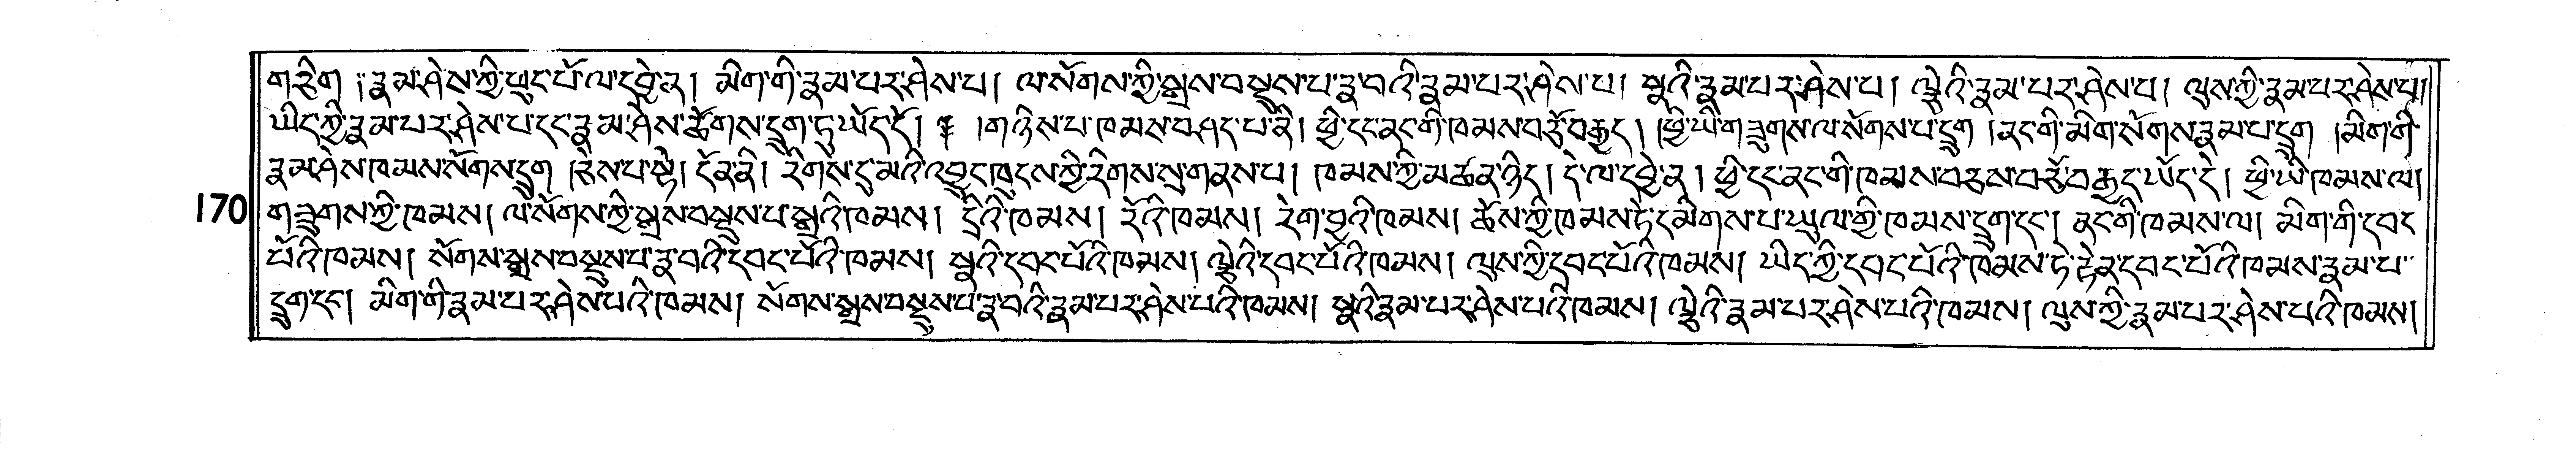གཅིག ༑རྣམ་ཤེས་ཀྱི་ཕུང་པོ་ལ་དབྱེ་ན། མིག་གི་རྣམ་པར་ཤེས་པ། ལ་སོགས་ཀྱི་སྒྲས་བསྡུས་པ་རྣ་བའི་རྣམ་པར་ཤེས་པ། སྣའི་རྣམ་པར་ཤེས་པ། ལྕེའི་རྣམ་པར་ཤེས་པ། ལུས་ཀྱི་རྣམ་པར་ཤེས་པ།
ཡིད་ཀྱི་རྣམ་པར་ཤེས་པ་དང་རྣམ་ཤེས་ཚོགས་དྲུག་ཏུ་ཡོད་དོ། ༈ །གཉིས་པ་ཁམས་བཤད་པ་ནི། ཕྱི་དང་ནང་གི་ཁམས་བཅོ་བརྒྱད། །ཕྱི་ཡི་གཟུགས་ལ་སོགས་པ་དྲུག །ནང་གི་མིག་སོགས་རྣམ་པ་དྲུག །མིག་གི་
རྣམ་ཤེས་ཁམས་སོགས་དྲུག །ཅེས་པ་སྟེ། དོན་ནི། རིགས་དུ་མའི་འབྱུང་ཁུངས་ཀྱི་རིགས་སུ་གནས་པ། ཁམས་ཀྱི་མཚན་ཉིད། དེ་ལ་དབྱེ་ན། ཕྱི་དང་ནང་གི་ཁམས་བཅས་བཅོ་བརྒྱད་ཡོད་དེ། ཕྱི་ཡི་ཁམས་ལ།
གཟུགས་ཀྱི་ཁམས། ལ་སོགས་ཀྱི་སྒྲས་བསྡུས་པ་སྒྲའི་ཁམས། དྲིའི་ཁམས། རོའི་ཁམས། རེག་བྱའི་ཁམས། ཆོས་ཀྱི་ཁམས་ཏེ་དམིགས་པ་ཡུལ་གྱི་ཁམས་དྲུག་དང་། ནང་གི་ཁམས་ལ། མིག་གི་དབང་
པོའི་ཁམས། སོགས་སྒྲས་བསྡུས་པ་རྣ་བའི་དབང་པོའི་ཁམས། སྣའི་དབང་པོའི་ཁམས། ལྕེའི་དབང་པོའི་ཁམས། ལུས་ཀྱི་དབང་པོའི་ཁམས། ཡིད་ཀྱི་དབང་པོའི་ཁམས་ཏེ་རྟེན་དབང་པོའི་ཁམས་རྣམ་པ་
དྲུག་དང་། མིག་གི་རྣམ་པར་ཤེས་པའི་ཁམས། སོགས་སྒྲས་བསྡུས་པ་རྣ་བའི་རྣམ་པར་ཤེས་པའི་ཁམས། སྣའི་རྣམ་པར་ཤེས་པའི་ཁམས། ལྕེའི་རྣམ་པར་ཤེས་པའི་ཁམས། ལུས་ཀྱི་རྣམ་པར་ཤེས་པའི་ཁམས་